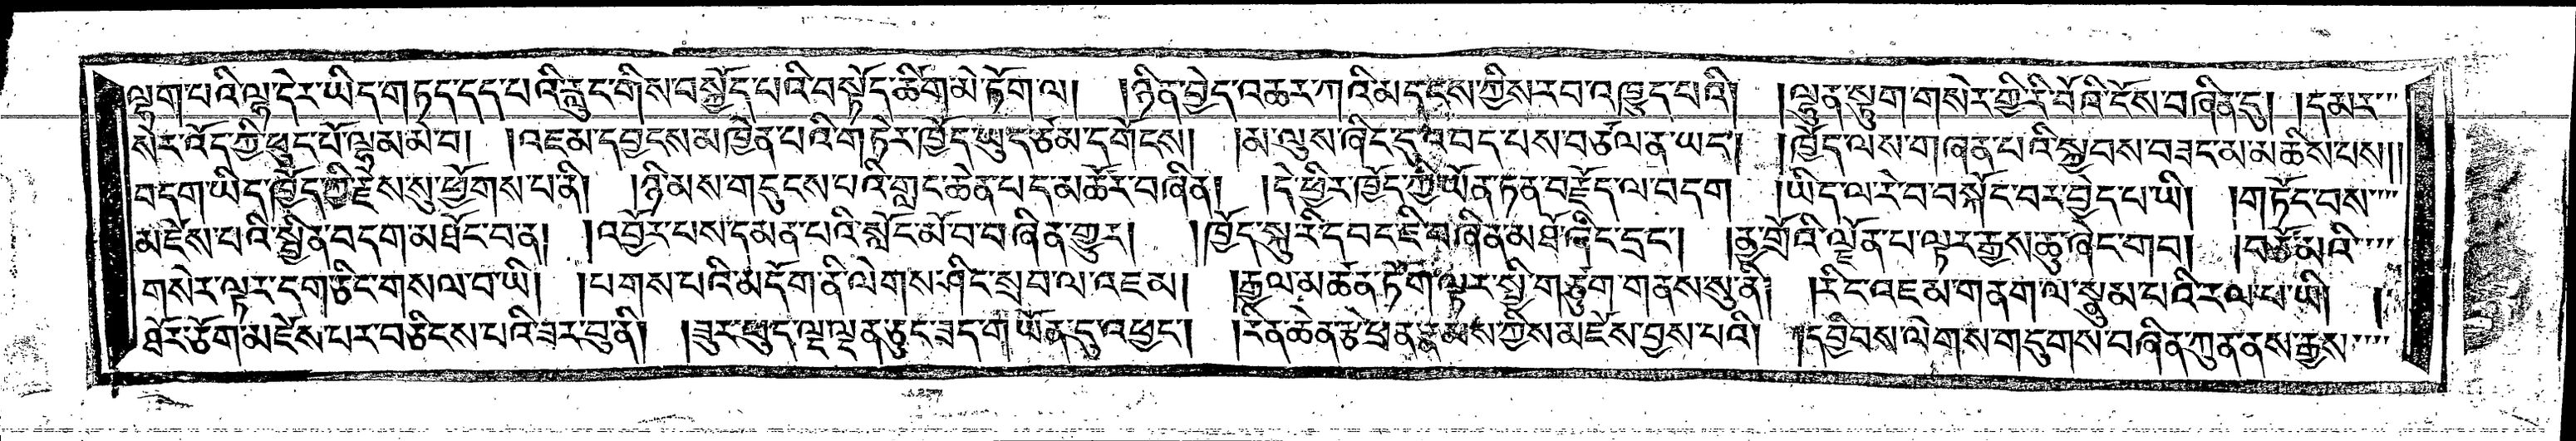ལྷག་པའི་ལྷ་དེར་ཡིད་གཏད་དད་པའི་རླུང་གིས་བསྐྱོད་པའི་བསྟོད་ཚིག་མེ་ཏོག་ལ། །ཉིན་བྱེད་འཆར་ཀའི་མདངས་ཀྱིས་རབ་འཁྱུད་པའི། །ལྷུན་སྟུག་གསེར་གྱི་རི་བོའི་ངོས་བཞིན་དུ། །དམར་
སེར་འོད་ཀྱི་ཕུང་པོ་ལྷམ་མེ་བ། །འཇམ་དབྱངས་མཁྱེན་པའི་གཏེར་ཁྱོད་ཡུད་ཙམ་དགོངས། །མ་ལུས་ཞིང་དུ་འབད་པས་བཙལ་ན་ཡང་། །ཁྱོད་ལས་གཞན་པའི་སྐྱབས་བཟང་མ་མཆིས་པས། །
བདག་ཡིད་ཁྱོད་ཀྱི་རྗེས་སུ་ཕྱོགས་པ་ནི། །ཉི་མས་གདུངས་པའི་གླང་ཆེན་པད་མཚོར་བཞིན། །དེ་ཕྱིར་ཁྱོད་ཀྱི་ཡོན་ཏན་བརྗོད་ལ་བདག །ཡིད་ལ་རེ་བ་བསྐོང་བར་བྱེད་པ་ཡི། །གཏོང་བས་
མཛེས་པའི་སྦྱིན་བདག་མཐོང་བ་ན། །འབྱོར་པས་དམན་པའི་སློང་མོ་བ་བཞིན་གྱུར། །ཁྱོད་སྐུ་རི་དབང་ཇི་བཞིན་མཐོ་ཞིང་དྲང་། །ཉ་གྲོའི་ལྗོན་པ་ལྟར་རྒྱས་ཆུ་ཞེང་གབ། །བཅོ་མའི་
གསེར་ལྟར་དག་ཅིང་གསལ་བ་ཡི། །པགས་པའི་མདོག་ནི་ལེགས་ཤིང་སྲབ་ལ་འཇམ། །རྒྱལ་མཚན་ཏོག་ལྟར་སྤྱི་གཙུག་གནས་སུ་ནི། །རིང་འཇམ་གནག་ལ་སྣུམ་པའི་རལ་པ་ཡི། །
ཐོར་ཅོག་མཛེས་པར་བཅིངས་པའི་ཟར་བུ་ནི། །ཟུར་ཕུད་ལྔ་ལྡན་ཅུང་ཟད་གཡོན་དུ་འཕྱང་། །རིན་ཆེན་རྩེ་ཕྲན་རྣམས་ཀྱིས་མཛེས་བྱས་པའི། །དབྱིབས་ལེགས་གདུགས་བཞིན་ཀུན་ནས་རྒྱས་